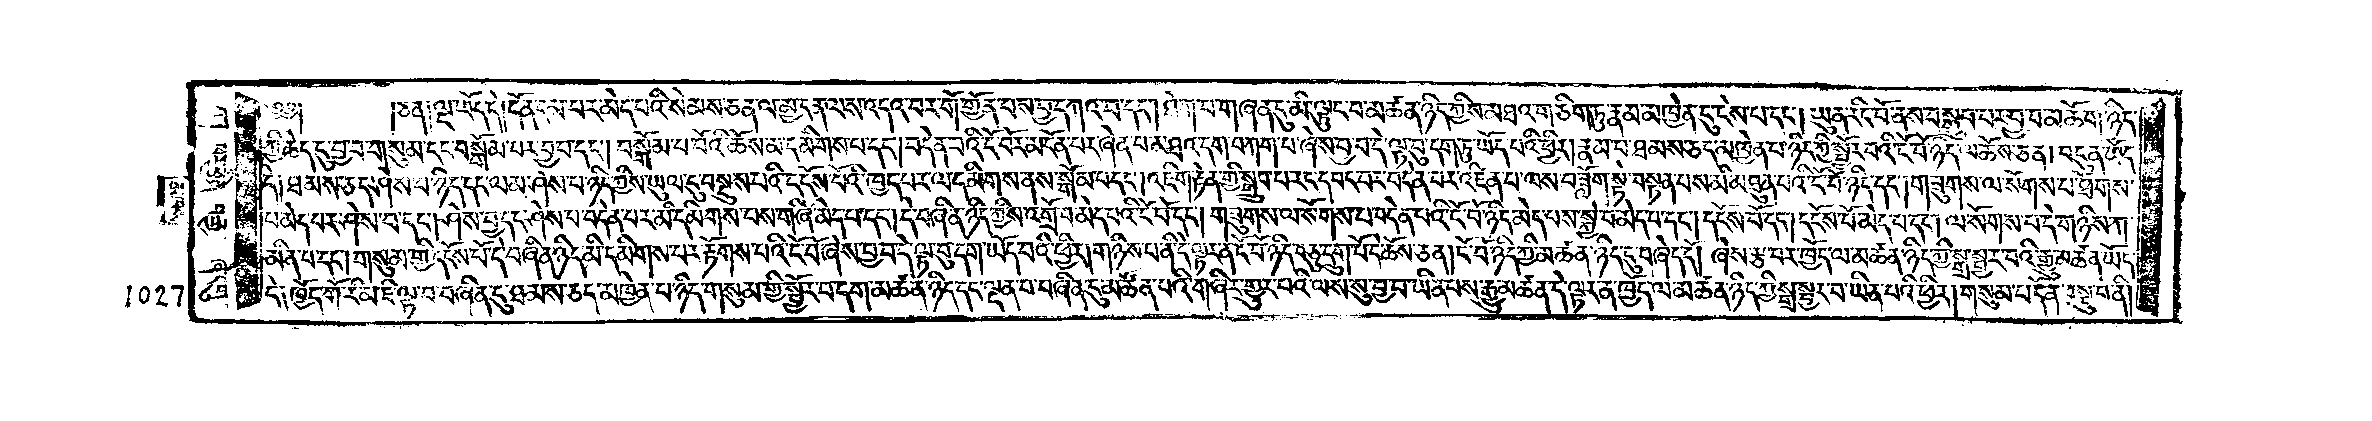༄༅། །ཅན། ལྔ་ཡོད་དེ། དོན་དམ་པར་མེད་པའི་སེམས་ཅན་ལ་མྱ་ངན་ལས་འདའ་བར་གོ་གྱོན་པས་བྱ་དཀའ་བ་དང་། ཐེག་པ་གཞན་དུ་མི་ལྟུང་བ་མཚན་ཉིད་ཀྱིས་མཐའ་གཅིག་ཏུ་རྣམ་མཁྱེན་དུ་ངེས་པ་དང་། ཡུན་རིང་པོ་ནས་བསྒྲུབ་པར་བྱ་བ་མཆོག་ཉིད་
ཀྱི་ཆེད་དུ་བྱ་བ་གསུམ་དང་བསྒོམ་པར་བྱ་བ་དང་། བསྒོམ་པ་པོའི་ཆོས་མ་དམིགས་པ་དང་། བདེན་པའི་ངོ་བོར་མངོན་པར་ཞེན་པ་མཐའ་དག་བཀག་པ་ཞེས་བྱ་བ་དེ་ལྟ་བུ་དག་ཏུ་ཡོད་པའི་ཕྱིར། རྣམ་པ་ཐམས་ཅད་མཁྱེན་པ་ཉིད་ཀྱི་སྦྱོར་བའི་ངོ་བོ་ཉིད་ལ་ཆོས་ཅན། བདུན་ཡོད་
དེ། ཐམས་ཅད་ཤེས་པ་ཉིད་དང་ལམ་ཤེས་པ་ཉིད་ཀྱིས་ཡུལ་དུ་བསྡུས་པའི་དངོས་པོའི་ཁྱད་པར་ལ་དམིགས་ནས་སྒོམ་པ་དང་། འཇིག་རྟེན་གྱི་སྒྲུབ་པ་རང་དབང་བར་བདེན་པར་འཛིན་པ་ལས་བཟློག་སྟེ་བསྟན་པས་མི་མཐུན་པའི་ངོ་བོ་ཉིད་དང་། གཟུགས་ལ་སོགས་པ་ཐོགས་
པ་མེད་པར་ཤེས་པ་དང་། ཤེས་བྱ་དང་ཤེས་པ་བདེན་པར་མི་དམིགས་པས་གཞི་མེད་པ་དང་། དེ་བཞིན་ཉིད་ཀྱིས་འགྲོ་བ་མེད་པའི་ངོ་བོ་དང་། གཟུགས་ལ་སོགས་པ་བདེན་པའི་ངོ་བོ་ཉིད་མེད་པས་སྐྱེ་བ་མེད་པ་དང་། དངོས་པོ་དང་། དངོས་པོ་མེད་པ་དང་། ལ་སོགས་པ་དེ་གཉིས་ཀ་
མིན་པ་དང་། གསུམ་གྱི་དངོས་པོ་དེ་བཞིན་ཉིད་མི་དམིགས་པར་རྟོགས་པའི་ངོ་བོ་ཞེས་བྱ་བ་དེ་ལྟ་བུ་དག་ཡོད་པའི་ཕྱིར། གཉིས་པ་ནི་དེ་ལྟར་ན་ངོ་བོ་ཉིད་བཅུ་དྲུག་པོ་དེ་ཆོས་ཅན། ངོ་བོ་ཉིད་ཀྱི་མཚན་ཉིད་དུ་བཞེད་དོ། ཞེས་རྩ་བར་ཁྱོད་ལ་མཚན་ཉིད་ཀྱི་སྒྲ་སྦྱར་བའི་རྒྱུ་མཚན་ཡོད་
དེ། ཁྱོད་གོ་རིམ་ཇི་ལྟ་བ་བཞིན་དུ་ཐམས་ཅད་མཁྱེན་པ་ཉིད་གསུམ་གྱི་སྦྱོར་བ་དག་མཚན་ཉིད་དང་ལྡན་པ་བཞིན་དུ་མཚོན་པའི་གཞིར་གྱུར་པའི་ལས་སུ་བྱ་བ་ཡིན་པས་རྒྱུ་མཚན་དེ་ལྟར་ན་ཁྱོད་ལ་མཚན་ཉིད་ཀྱི་སྒྲ་སྦྱར་བ་ཡིན་པའི་ཕྱིར། གསུམ་པ་དོན་བསྡུ་བ་ནི།